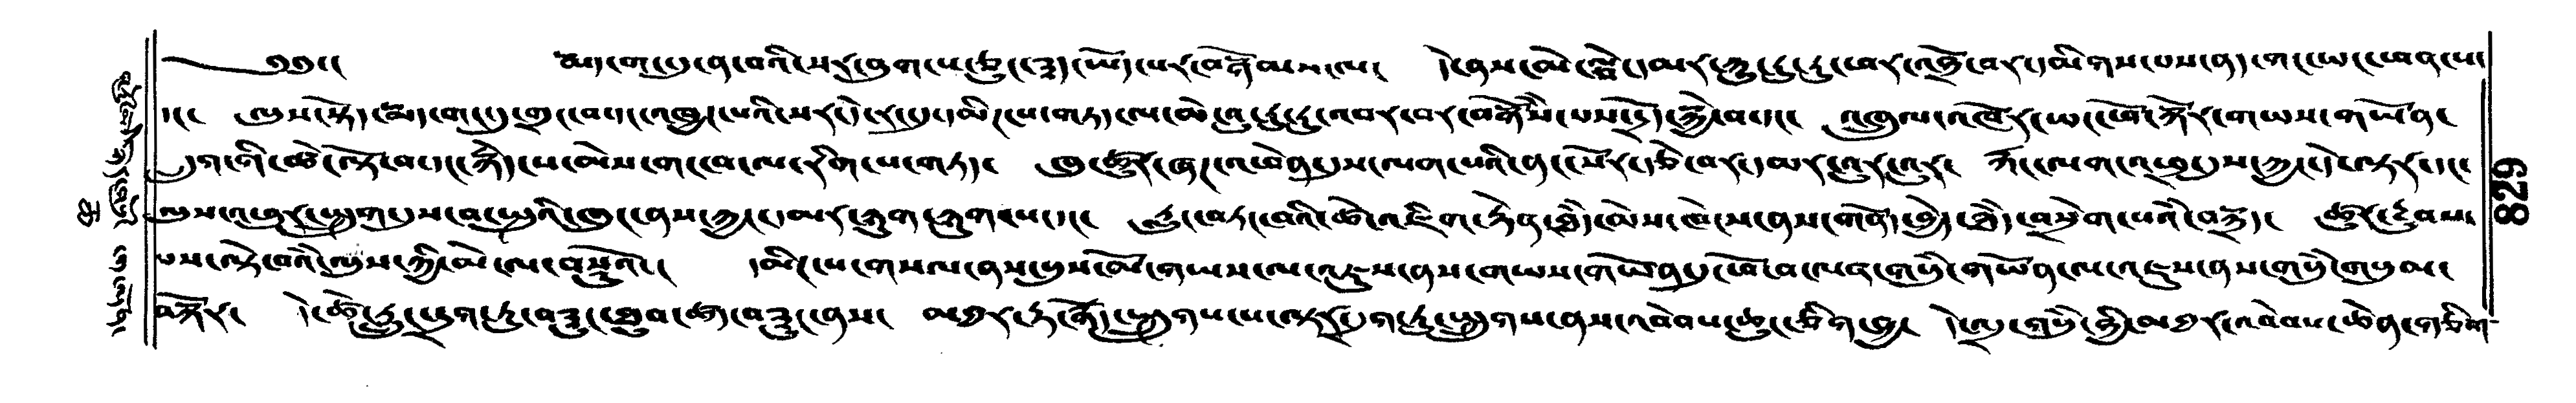སྨད་གང་དུ་ན་བའི་སར་བུག་པ་ཅུང་ཟད་ཡོད་པར་བསྒོམ་ལ། དེ་ནས་མེ་ལྕེ་དམར་འུ་རུ་རུ་ཕར་འགྲོ་བར་དམིགས་པས་ནད་གང་ཡང་ཕན་པ་
དང་། ལུས་སྟོད་སྨད་གང་དུ་གྲང་བ་དང་འཁྱགས་པའི་སར་དེ་རང་དུ་དམིགས་གཏད་ལ་མེ་འུ་རུ་རུ་འབར་བར་བསྒོམ་པས་དྲོད་སྐྱེ་བ་དང་།འཁྲུལ་འཁོར་ཡང་ཕོ་སྐོར་གཡས་གཡོན་
དྲུག་གི་ཚེ་ལྟོ་བ་དང་སྐེད་པ་མེས་གང་བ་ལ་རིག་པ་གཏད། ཁུ་ཚུར་ཞགས་འཕེན་དུས་ལག་པའི་ནང་སོར་རྩེ་བར་དམར་འུར་འུར། རྐང་ལག་ ( འཕྲ་དུས་ ? )ཀྱང་དེ་ལྟར་དང་། 
ལུས་འཕུར་སྤྲུག་དུས་བ་སྤུའི་ཁུང་ནས་ཀྱང་དམར་ཉུག་ཉུག་པ་དང་། རླུང་བཏང་བའི་ཚེ་འཇིག་རྟེན་ཐམས་ཅད་མེས་ཁེངས་ནས་གནོད་བྱེད་ཐམས་ཅད་བསྲེགས་པའམ་བསྐྲད། ཚུར་རྔུབས་
པས་ལྟེ་བའམ་ལུས་ཀྱི་མེ་ལ་བསྡུའོ། དམིགས་པ་གསལ་ནས་པུས་མོ་གཡས་ལ་འཇུས་ནས་གཡས་གཡོན་དུ་ཕོ་བ་ལན་གསུམ་གཡོན་ལ་འཇུས་ནས་གསུམ་གསུམ་
བསྐོར། དེ་ཚེ་རླུང་དྲག་ཏུ་བཟུང་ཐུབ་ཚད་བཟུང་ནས། མཐར་རྟ་རྒོད་སྤྲུགས་པ་ལྟར་དྲག་ཏུ་སྤྲུགས་ནས་འབེབས་ཆུང་ཅིག་བྱ། དེ་འདྲ་གསུམ་གྱི་མཐར་འབེབས་ཆེན་གཅིག་